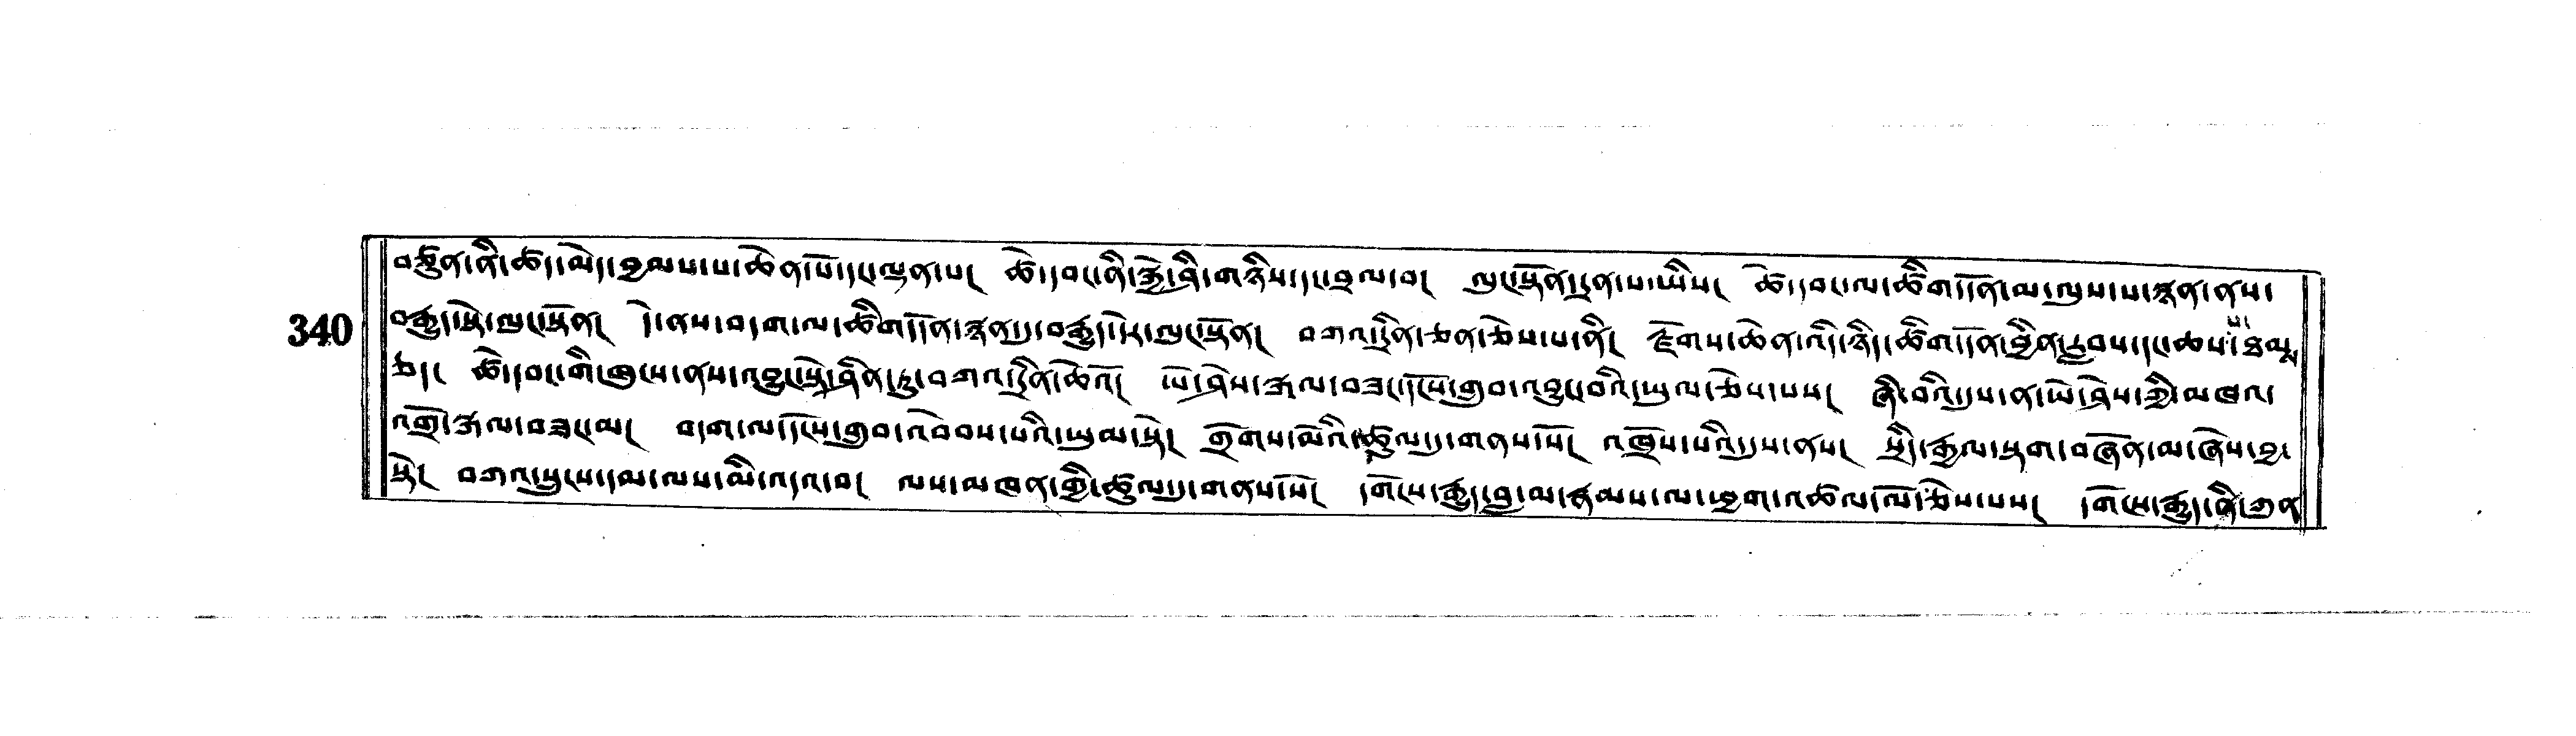བཙུན་ནི་ཚད་མེད་བྱམས་པ་ཆེན་པོ་དང་ལྡན་པ། ཚེ་དབང་ནི་སྐྱེ་ཤི་གཉིས་དང་བྲལ་བ། ལུང་སྟོན་དྲན་པ་ཡིས། ཚེ་དབང་ལ་ཚིག་དོན་མ་ལུས་པ་སྙན་ནས་
བརྒྱུད་དེ་ལུང་སྟོན། དེ་ནས་བདག་ལ་ཚིག་དོན་སྙན་དུ་བརྒྱུད་ནས་ལུང་སྟོན། བཀའ་དྲིན་ཅན་ཅེས་པ་ནི། རྫོགས་ཆེན་འདི་ཉིད་ཚིད་དོན་བྱིན་རླབས་དང་ཆས་པ་ཐམས་
ཅད། ཚེ་དབང་གི་ཁུངས་ནས་འབྱུང་སྟེ་ཤིན་ཏུ་བཀའ་དྲིན་ཆེའོ། ཡེ་ཤེས་སྐལ་བཟང་དངོས་གྲུབ་འབྱུང་བའི་ཡུལ་ཅེས་པས། ཞི་བའི་དུས་ནས་ཡེ་ཤེས་ཀྱི་མཁའ་
འགྲོ་སྐལ་བཟང་མ། བདག་ལ་དངོས་གྲུབ་འབེབས་པའི་ཡུམ་སྟེ། གྲོགས་མོའི་ཚུལ་དུ་གནས་སོ། འཁྲོས་པའི་དུས་ན། སྲིད་རྒྱལ་སྟག་ཞོན་མ་ཞེས་བྱ་
སྟེ། བཀའ་སྲུང་དམ་ལས་མི་འདའ་བ། ལས་མཁན་གྱི་ཚུལ་དུ་གནས་སོ། དགོངས་རྒྱུད་བླ་མ་རྣམས་ལ་ཕྱག་འཚལ་ལོ་ཅེས་པས། དགོངས་རྒྱུད་ནི་ཀུན་